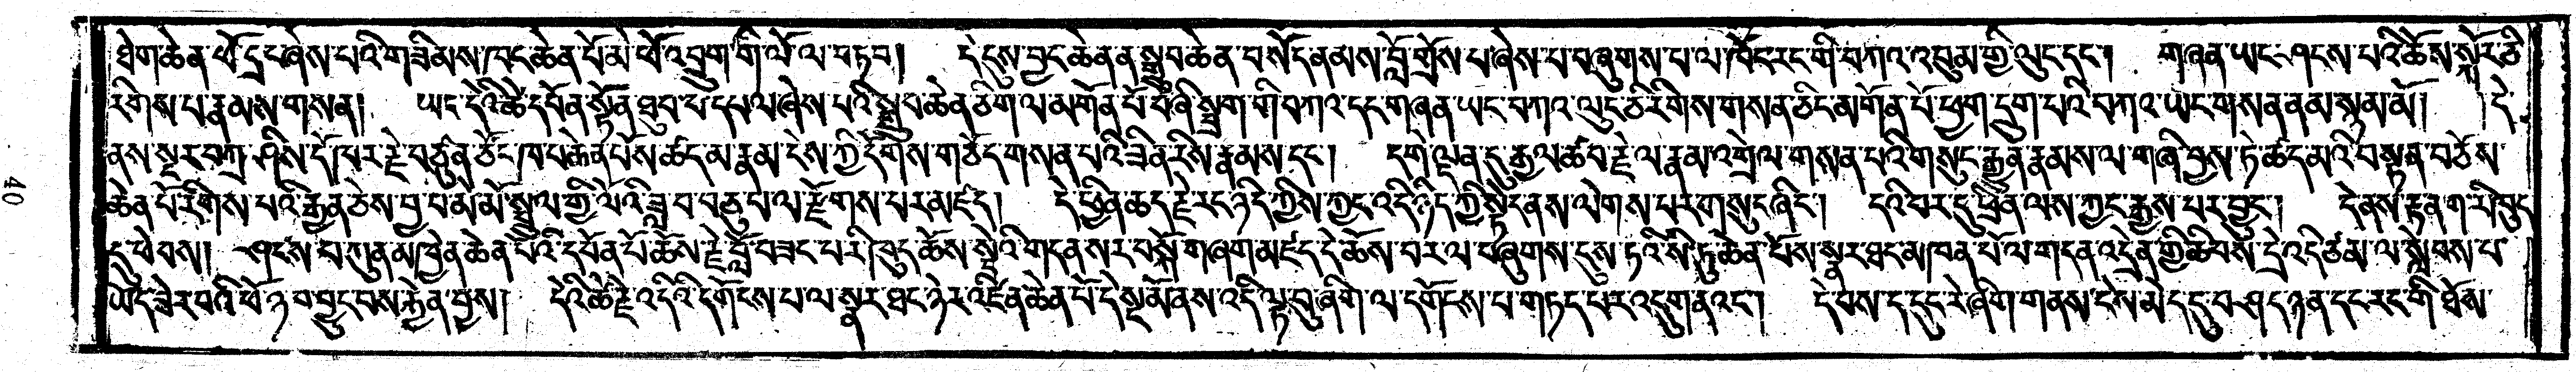ཐེག་ཆེན་ཕོ་དྲང་ཞེས་པའི་གཟིམས་ཁང་ཆེན་པོ་མེ་ཕོ་འབྲུག་གི་ལོ་ལ་བཏབ། དེ་དུས་བྱང་ཆེན་ན་སྒྲུབ་ཆེན་བསོད་ནམས་བློ་གྲོས་པ་ཞེས་པ་བཞུགས་པ་ལ་ཁོང་རང་གི་བཀའ་འབུམ་གྱི་ལུང་དང་། གཞན་ཡང་ཤངས་པའི་ཆོས་སྐོར་ཅི་
རིགས་པ་རྣམས་གསན། ཡང་དེའི་ཚེ་དཔོན་སྟོན་ཐུབ་པ་དཔལ་ཞེས་པའི་སྒྲུབ་ཆེན་ཅིག་ལ་མགོན་པོ་བཞི་སྦྲག་གི་བཀའ་དང་གཞན་ཡང་བཀའ་ལུང་ཅི་རིགས་གསན་ཅིང་མགོན་པོ་ཕྱག་དྲུག་པའི་བཀའ་ཡང་གསན་ནམ་སྙམ་མོ། །དེ་
ནས་སྔར་བཀྲ་ཤིས་དོ་ཁར་རྗེ་བཙུན་ཙོང་ཁ་པ་ཆེན་པོས་ཚད་མ་རྣམ་ངེས་ཀྱི་དགོས་གཅོད་གསན་པའི་ཟིན་རིས་རྣམས་དང་། དགེ་ལྡན་དུ་རྒྱལ་ཚབ་རྗེ་ལ་རྣམ་འགྲེལ་གསན་པའི་གསུང་རྒྱུན་རྣམས་ལ་གཞི་བྱས་ཏེ་ཚད་མའི་བསྟན་བཅོས་
ཆེན་པོ་རིགས་པའི་རྒྱན་ཅེས་བྱ་བ་མེ་མོ་སྦྲུལ་གྱི་ལོའི་ཟླ་བ་བཅུ་པ་ལ་རྫོགས་པར་མཛད། དེ་ཕྱིན་ཆད་རྗེ་རང་ཉིད་ཀྱིས་ཀྱང་འདི་ཉིད་ཀྱི་སྟེང་ནས་ལེགས་པར་གསུང་ཞིང་། དའི་བར་དུ་ཕྲིན་ལས་ཀྱང་རྒྱས་པར་བྱུང་། དེ་ནས་རྟ་ནག་རི་ཁུང་
དུ་ཕེབས། ཤངས་པ་ཀུན་མཁྱེན་ཆེན་པོའི་དཔོན་པོ་ཆོས་རྗེ་བློ་བཟང་པ་རི་ཁུད་ཆོས་སྡེའི་གདན་སར་བསྐོ་གཞག་མཛད་དེ་ཆོས་བར་ལ་བཞུགས་དུས་ཏའི་སི་ཏུ་ཆེན་པོས་སྣར་ཐང་མཁན་པོ་ལ་ངྡན་འདྲེན་གྱི་ཆིབས་དྲི་འདི་ཙམ་ལ་སླེབས་པ་
ཡོད་ཟེར་བའི་ཕོ་ཉ་བ་བྱུང་བས་རྐྱེན་བྱས། དེའི་ཚེ་རྗེ་འདིའི་དགོངས་པ་ལ་སྣར་ཐང་ཉེར་འཛིན་ཆེན་པོ་དེ་སྔ་མོ་ནས་འདི་ལྟ་བུ་ཞིག་ལ་དགོངས་པ་གཏད་པར་འདུག་ནའང་། དེ་བས་ད་དུང་རེ་ཞིག་གནས་ངེས་མེད་དུ་བཤད་ཉན་དང་རང་གི་ཐོས་